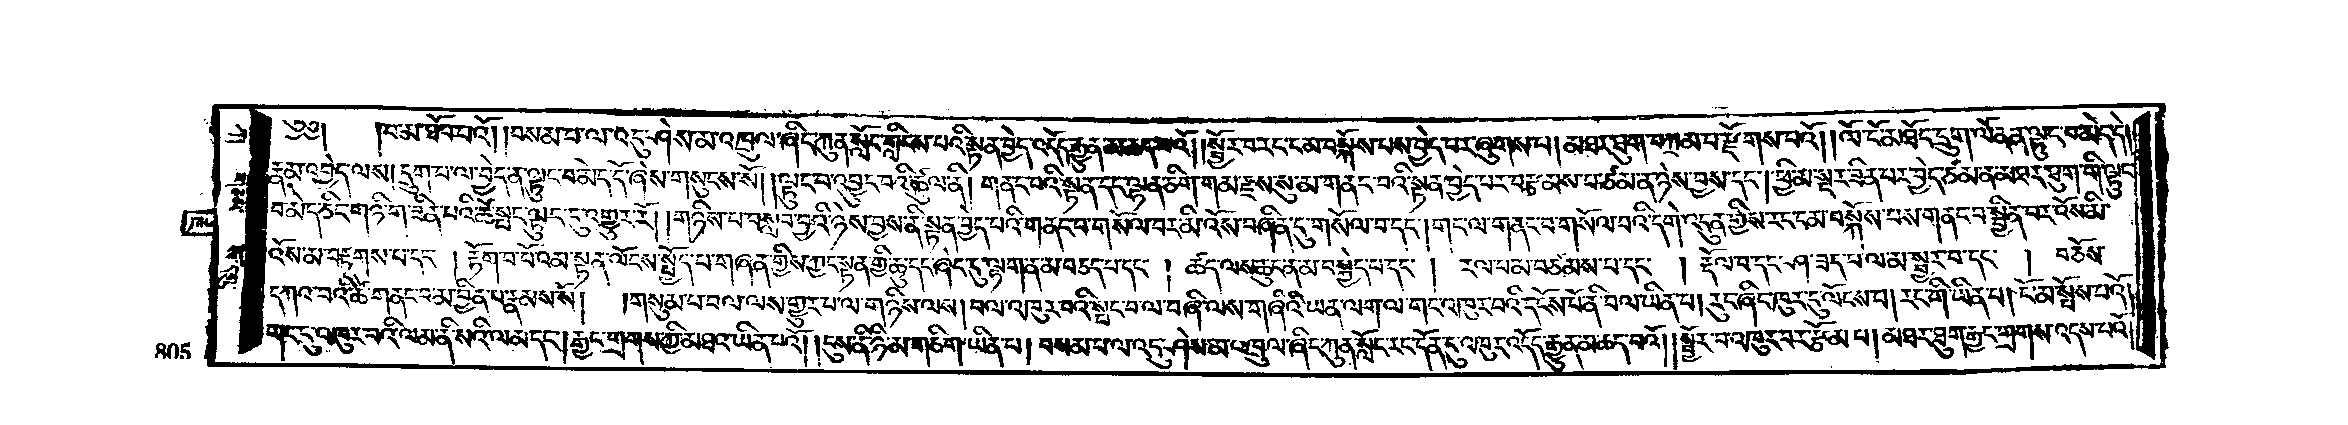༄༅། །བ་མ་ཐོབ་པའོ། །བསམ་པ་ལ་འདུ་ཤེས་མ་འཁྲུལ་ཞིང་ཀུན་སློང་གླིངས་པའི་སྟན་བྱེད་འདོད་རྒྱུན་མ་ཆད་པའོ། །སྦྱོར་བ་རང་ངམ་བསྐོས་པས་བྱེད་པར་ཞུགས་པ། མཐར་ཐུག་བཀྲམ་པ་རྫོགས་པའོ། །ལོ་ངོ་མཐོང་དྲུག་ལོན་ན་ལྟུང་བ་མེད་དེ།
རྣམ་འབྱེད་ལས། དྲུག་པ་ལ་བྱེད་ན་ལྟུང་བ་མེད་དོ་ཞེས་གསུངས་སོ། །ལྟུང་བ་འབྱུང་བའི་ཚུལ་ནི། གནང་བའི་སྟན་དང་ལྷན་ཅིག་གམ་རྫས་སུ་མ་གནང་བའི་སྟན་བྱེད་པར་བརྩམས་པ་ཙམ་ན་ཉེས་བྱས་དང་། ཕྱི་མ་སྔར་ཟིན་པར་བྱེད་ཙམ་ན་མཐར་ཐུག་གི་ལྟུང་
བ་མེད་ཅིང་གཉི་ག་ཟིན་པའི་ཚེ་སྤང་ལྟུང་དུ་འགྱུར་རོ། །གཉིས་པ་བསླབ་བྱའི་ཉེས་བྱས་ནི་སྟན་བྱེད་པའི་གནང་བ་གསོལ་བར་མི་འོས་བཞིན་དུ་གསོལ་བ་དང་། གང་ལ་གནང་བ་གསོལ་བའི་དགེ་འདུན་གྱིས་རང་ངམ་བསྐོས་པས་གནང་བ་སྦྱིན་པར་འོས་མི་
འོས་མ་བརྟགས་པ་དང་། རྟོག་པ་པོ་འམ་སྟན་ལོངས་སྤྱོད་པ་གཞན་གྱིས་ཀྱང་སྟན་གྱི་ཆུ་དང་ཞེང་དུ་ལྷག་ན་མ་བཅད་པ་དང་། ཚད་ལས་ཆུང་ན་མ་བསྐྱེད་པ་དང་། རལ་པ་མ་བཙམས་པ་དང་། རྡོལ་བ་དང་ཤ་ཟད་པ་ལ་མ་སྦྱར་བ་དང་། བཅོས་
དཀའ་བའི་ཚེ་གནང་བ་མ་བྱིན་པ་རྣམས་སོ། །གསུམ་པ་བལ་ལས་གྱུར་པ་ལ་གཉིས་ལས། བལ་འཁུར་བའི་སྤང་བ་ལ་བཞི་ལས་གཞིའི་ཡན་ལག་ལ་གང་འཁུར་བའི་དངོས་པོ་ནི་བལ་ཡིན་པ། རུང་ཞིང་ཁུར་དུ་ལོངས་པ། རང་གི་ཡིན་པ། ངོ་མ་སྤོས་པའོ།
གང་དུ་འཁུར་བའི་ལམ་ནི་སའི་ལམ་དང་། རྒྱང་གྲགས་ཀྱི་མཐའ་ཡིན་པའོ། །དུས་ནི་ཉི་མ་གཅིག་ཡིན་པ། བསམ་པ་ལ་འདུ་ཤེས་མ་འཁྲུལ་ཞིང་ཀུན་སློང་རང་དོན་དུ་འཁུར་འདོད་རྒྱུན་མ་ཆད་པའོ། །སྦྱོར་བ་འཁུར་བར་རྩོམ་པ། མཐར་ཐུག་རྒྱང་གྲགས་འདས་པའོ།